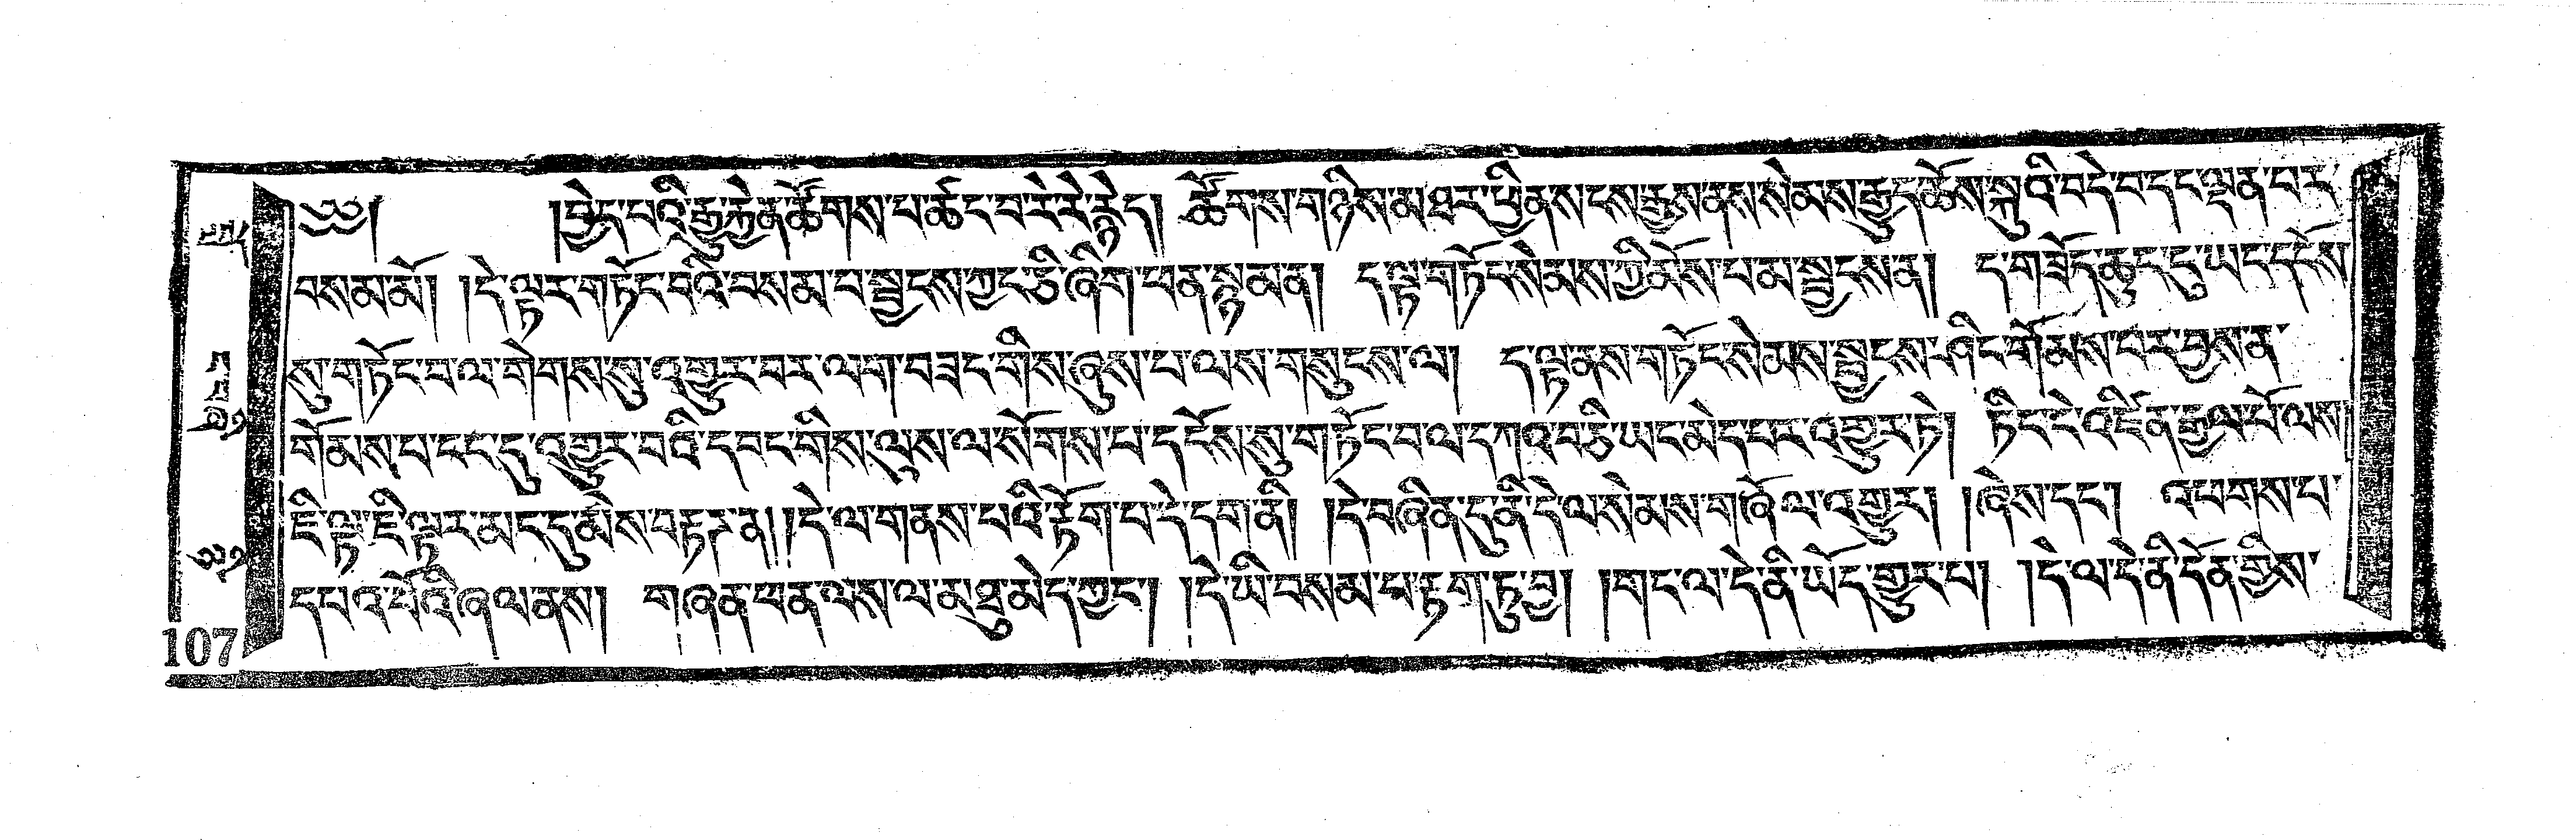༄༅། །བྱེད་པའི་རྒྱུ་རྐྱེན་ཚོགས་པ་ཚང་བ་རེ་རེ་རྙེད། ཚོགས་གཉིས་མཐར་ཕྱིན་སངས་རྒྱས་ནས་སེམས་རྒྱུད་ཆོས་སྐུའི་བདེ་བ་དང་ལྡན་པར་
བསམ་མོ། །དེ་ལྟར་གཏོང་བའི་བསམ་པ་སྦྱངས་ཀྱང་ཅི་ཞིག་ཕན་སྙམ་ན། ད་ལྟ་གཏོང་སེམས་ཀྱི་མོས་པ་མ་སྦྱངས་ན། ད་གཟོད་ཆུང་ངུ་ཡང་དངོས་
སུ་གཏོང་བ་ལ་གེགས་སུ་འགྱུར་བར་ལག་བཟང་གིས་ཞུས་པ་ལས་གསུངས་ལ། ད་ལྟ་ནས་གཏོང་སེམས་སྦྱངས་ཤིང་གོམས་པར་བྱས་ན་
གོམས་པ་ངང་དུ་འགྱུར་བའི་དབང་གིས་ལུས་ལ་སོགས་པ་དངོས་སུ་གཏོང་བ་ལ་དཀའ་བ་ཅི་ཡང་མེད་པར་འགྱུར་ཏེ། ཏིང་ངེ་འཛིན་རྒྱལ་པོ་ལས་
ཇི་ལྟ་ཇི་ལྟར་མང་དུ་མིས་བརྟགས་ན། །དེ་ལ་གནས་པའི་རྟོག་པ་དེ་དག་ནི། །དེ་བཞིན་དུ་ནི་དེ་ལ་སེམས་གཞོལ་འགྱུར། །ཞེས་དང་། འཕགས་པ་
དཔའ་བོའི་ཞལ་ནས། གཞན་ཕན་ལས་ལ་མཐུ་མེད་ཀྱང་། །དེ་ཡི་བསམ་པ་རྟག་ཏུ་བྱ། །གང་ལ་དེ་ནི་ཡོད་གྱུར་པ། །དེ་ལ་དེ་ནི་དོན་གྱིས་